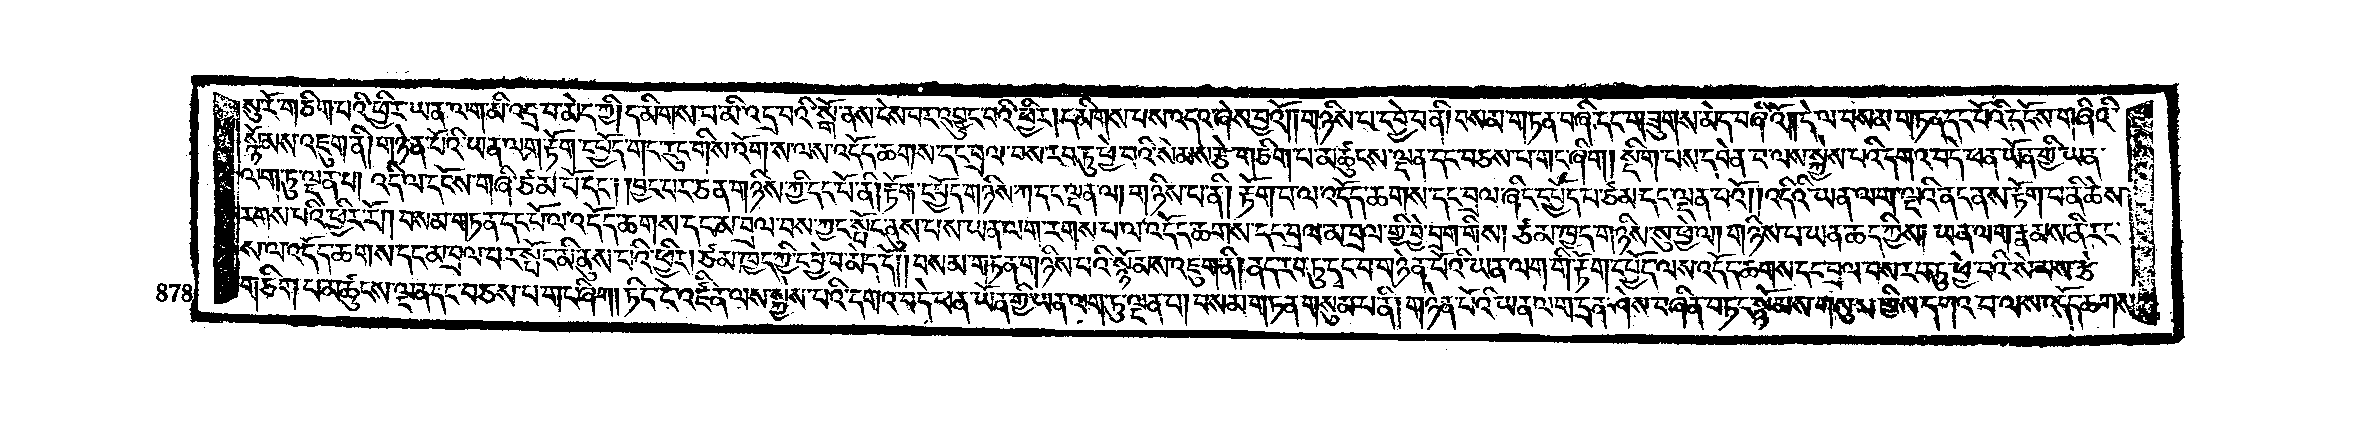སུ་རོ་གཅིག་པའི་ཕྱིར་ཡན་ལག་མི་འདྲ་བ་མེད་ཀྱི། དམིགས་པ་མི་འདྲ་བའི་སྒོ་ནས་ངེས་པར་འབྱུང་བའི་ཕྱིར། དམིགས་པས་འདའ་ཞེས་བྱའོ། །གཉིས་པ་དབྱེ་བ་ནི། བསམ་གཏན་བཞི་དང་གཟུགས་མེད་བཞིའོ། །དེ་ལ་བསམ་གཏན་དང་པོའི་དངོས་གཞིའི་
སྙོམས་འཇུག་ནི། གཉེན་པོའི་ཡན་ལག་རྟོག་དཔྱོད་གང་རུང་གིས་འོག་ས་ལས་འདོད་ཆགས་དང་བྲལ་བས་རབ་ཏུ་ཕྱེ་བའི་སེམས་རྩེ་གཅིག་པ་མཚུངས་ལྡན་དང་བཅས་པ་གང་ཞིག །སྡིག་པས་དབེན་པ་ལས་སྐྱེས་པའི་དགའ་བདེ་ཕན་ཡོན་གྱི་ཡན་
ལག་ཏུ་ལྡན་པ། འདི་ལ་དངོས་གཞི་ཙམ་པོ་དང་། །བྱང་པར་ཅན་གཉིས་ཀྱི་དང་པོ་ནི། རྟོག་དཔྱོད་གཉིས་ཀ་དང་ལྡན་ལ། གཉིས་པ་ནི། རྟོག་པ་ལ་འདོད་ཆགས་དང་བྲལ་ཞིང་དཔྱོད་པ་ཙམ་དང་ལྡན་པའོ། །འདིའི་ཡན་ལག་ལྔའི་ནང་ནས་རྟོག་པ་ནི་ཆེས་
རགས་པའི་ཕྱིར་རོ། །བསམ་གཏན་དང་པོ་ལ་འདོད་ཆགས་དང་མ་བྲལ་བས་ཀྱང་སྤོང་ནུས་པས་ཡན་ལག་རགས་པ་ལ་འདོད་ཆགས་དང་བྲལ་མ་བྲལ་གྱི་བྱེ་བྲག་གིས། ཙམ་ཁྱད་གཉིས་སུ་ཕྱེ་ལ། གཉིས་པ་ཡན་ཆད་ཀྱིས། ཡན་ལག་རྣམས་ནི་རང་
ས་ལ་འདོད་ཆགས་དང་མ་བྲལ་པར་སྤོང་མི་ནུས་པའི་ཕྱིར། ཙམ་ཁྱད་ཀྱི་དབྱེ་བ་མེད་དོ། །བསམ་གཏན་གཉིས་པའི་སྙོམས་འཇུག་ནི། ནད་རབ་ཏུ་དVཨང་བ་གཉེན་པོའི་ཡན་ལག་གི་རྟོག་དཔྱོད་ལས་འདོད་ཆགས་དང་བྲལ་བས་རབ་ཏུ་ཕྱེ་བའི་སེམས་རྩེ་
གཅིག་པ་མཚུངས་ལྡན་དང་བཅས་པ་གང་ཞིག །ཏིང་ངེ་འཛིན་ལས་སྐྱེས་པའི་དགའ་བདེ་ཕན་ཡོན་གྱི་ཡན་ལག་ཏུ་ལྡན་པ། བསམ་གཏན་གསུམ་པ་ནི། གཉེན་པོའི་ཡན་ལག་དྲན་ཤེས་བཞིན་བཏང་སྙོམས་གསུམ་གྱིས་དགའ་བ་ལས་འདོད་ཆགས་